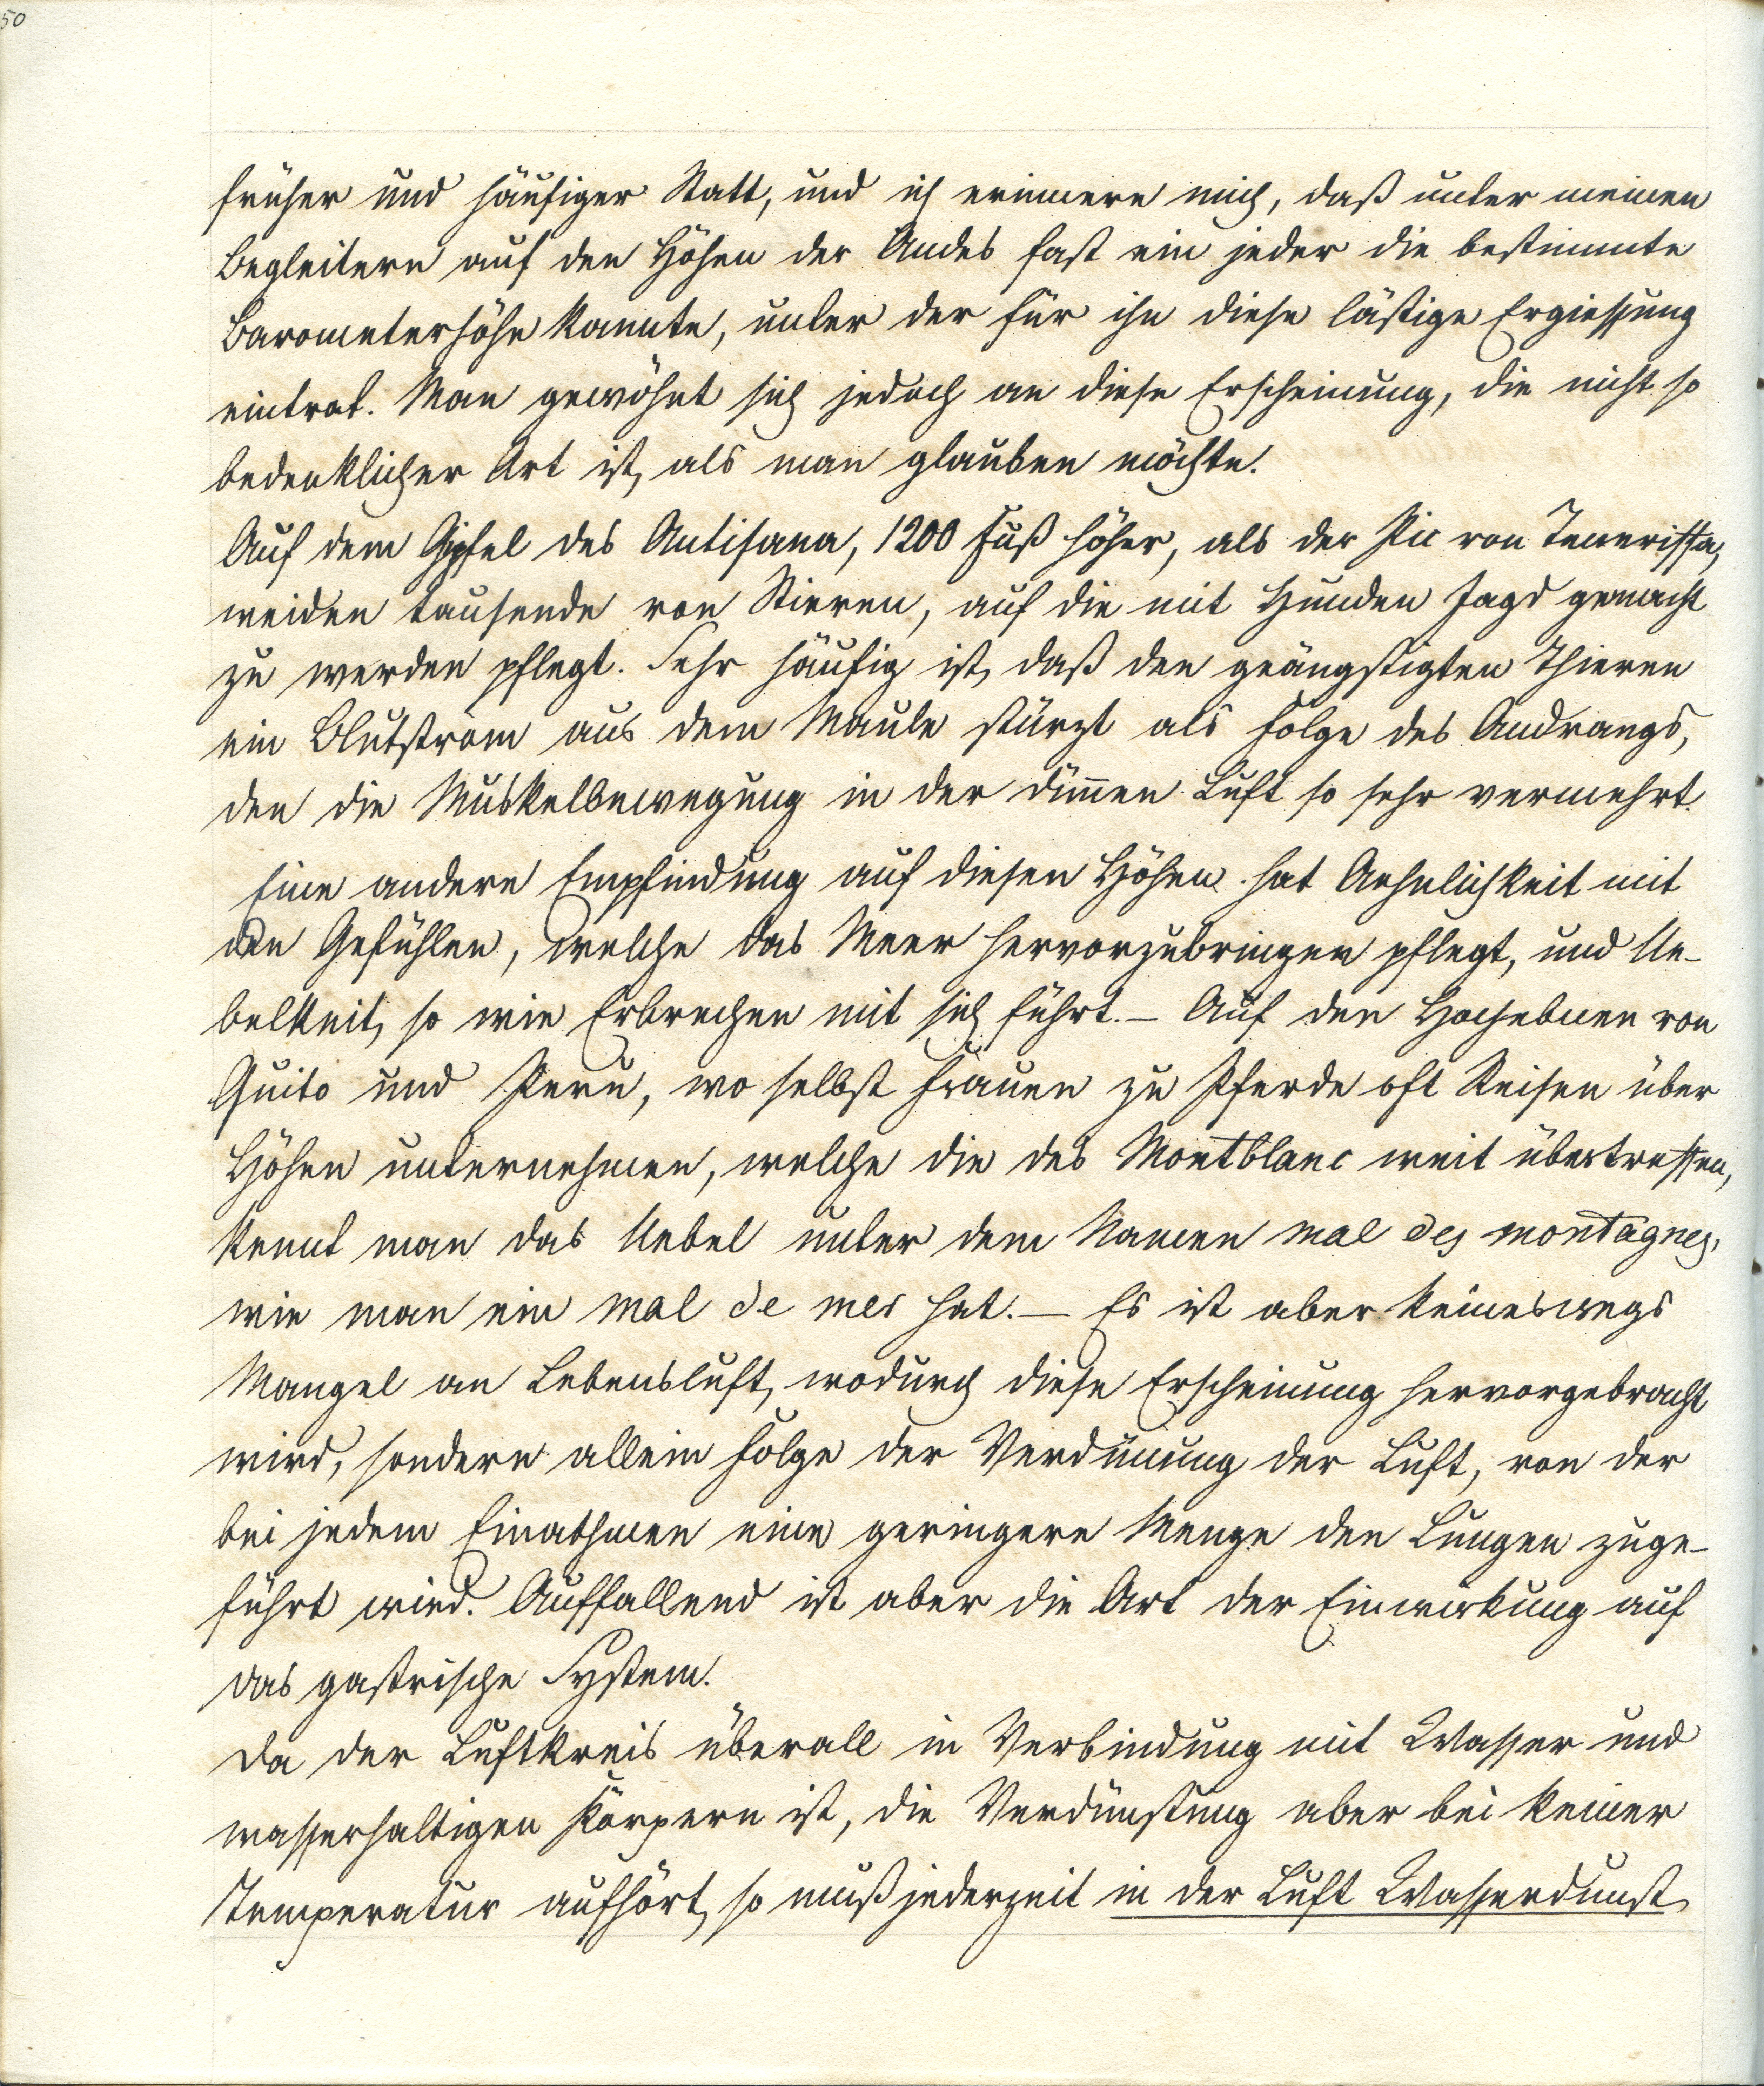früher und häufiger Statt, und ich erinnere mich, daß unter meinen
Begleitern auf den Höhen der Andes fast ein jeder die bestimmte
Barometerhöhe kannte, unter der für ihn diese lästige Ergiessung
eintraf. Man gewöhnt sich jedoch an diese Erscheinung, die nicht so
bedenklicher Art ist, als man glauben möchte.
Auf dem Gipfel des Antisana, 1200 Fuß höher, als der Pic von Teneriffa,
weiden tausende von Stieren, auf die mit Hunden Jagd gemacht
zu werden pflegt. Sehr häufig ist, daß den geängstigten Thieren
ein Blutstrom aus dem Maule stürzt als Folge des Andrangs,
den die Muskelbewegung in der düñen Luft so sehr vermehrt.
Eine andere Empfindung auf dieser Höhe hat Aehnlichkeit mit
den Gefühlen, welche das Meer hervorzubringen pflegt, und Ue-
belkeit, so wie Erbrechen mit sich führt. – Auf den Hochebnen von
Quito und Peru, wo selbst Frauen zu Pferde oft Reisen über
Höhen unternehmen, welche die des Montblanc weit übertreffen,
kennt man das Uebel unter dem Namen mal des montagnes,
wie man ein mal de mer hat. – Es ist aber keineswegs
Mangel an Lebensluft, wodurch diese Erscheinung hervorgebracht
wird, sondern allein Folge der der Luft, von der
bei jedem Einathmen eine geringere Menge den Lungen zuge-
führt wird. Auffallend ist aber die Art der Einwirkung auf
das gastrische System.
Da der Luftkreis überall in Verbindung mit Wasser und
wasserhaltigen Körpern ist, die Verdunstung aber bei keiner
Temperatur aufhört, so muß jederzeit in der Luft Wasserdunst